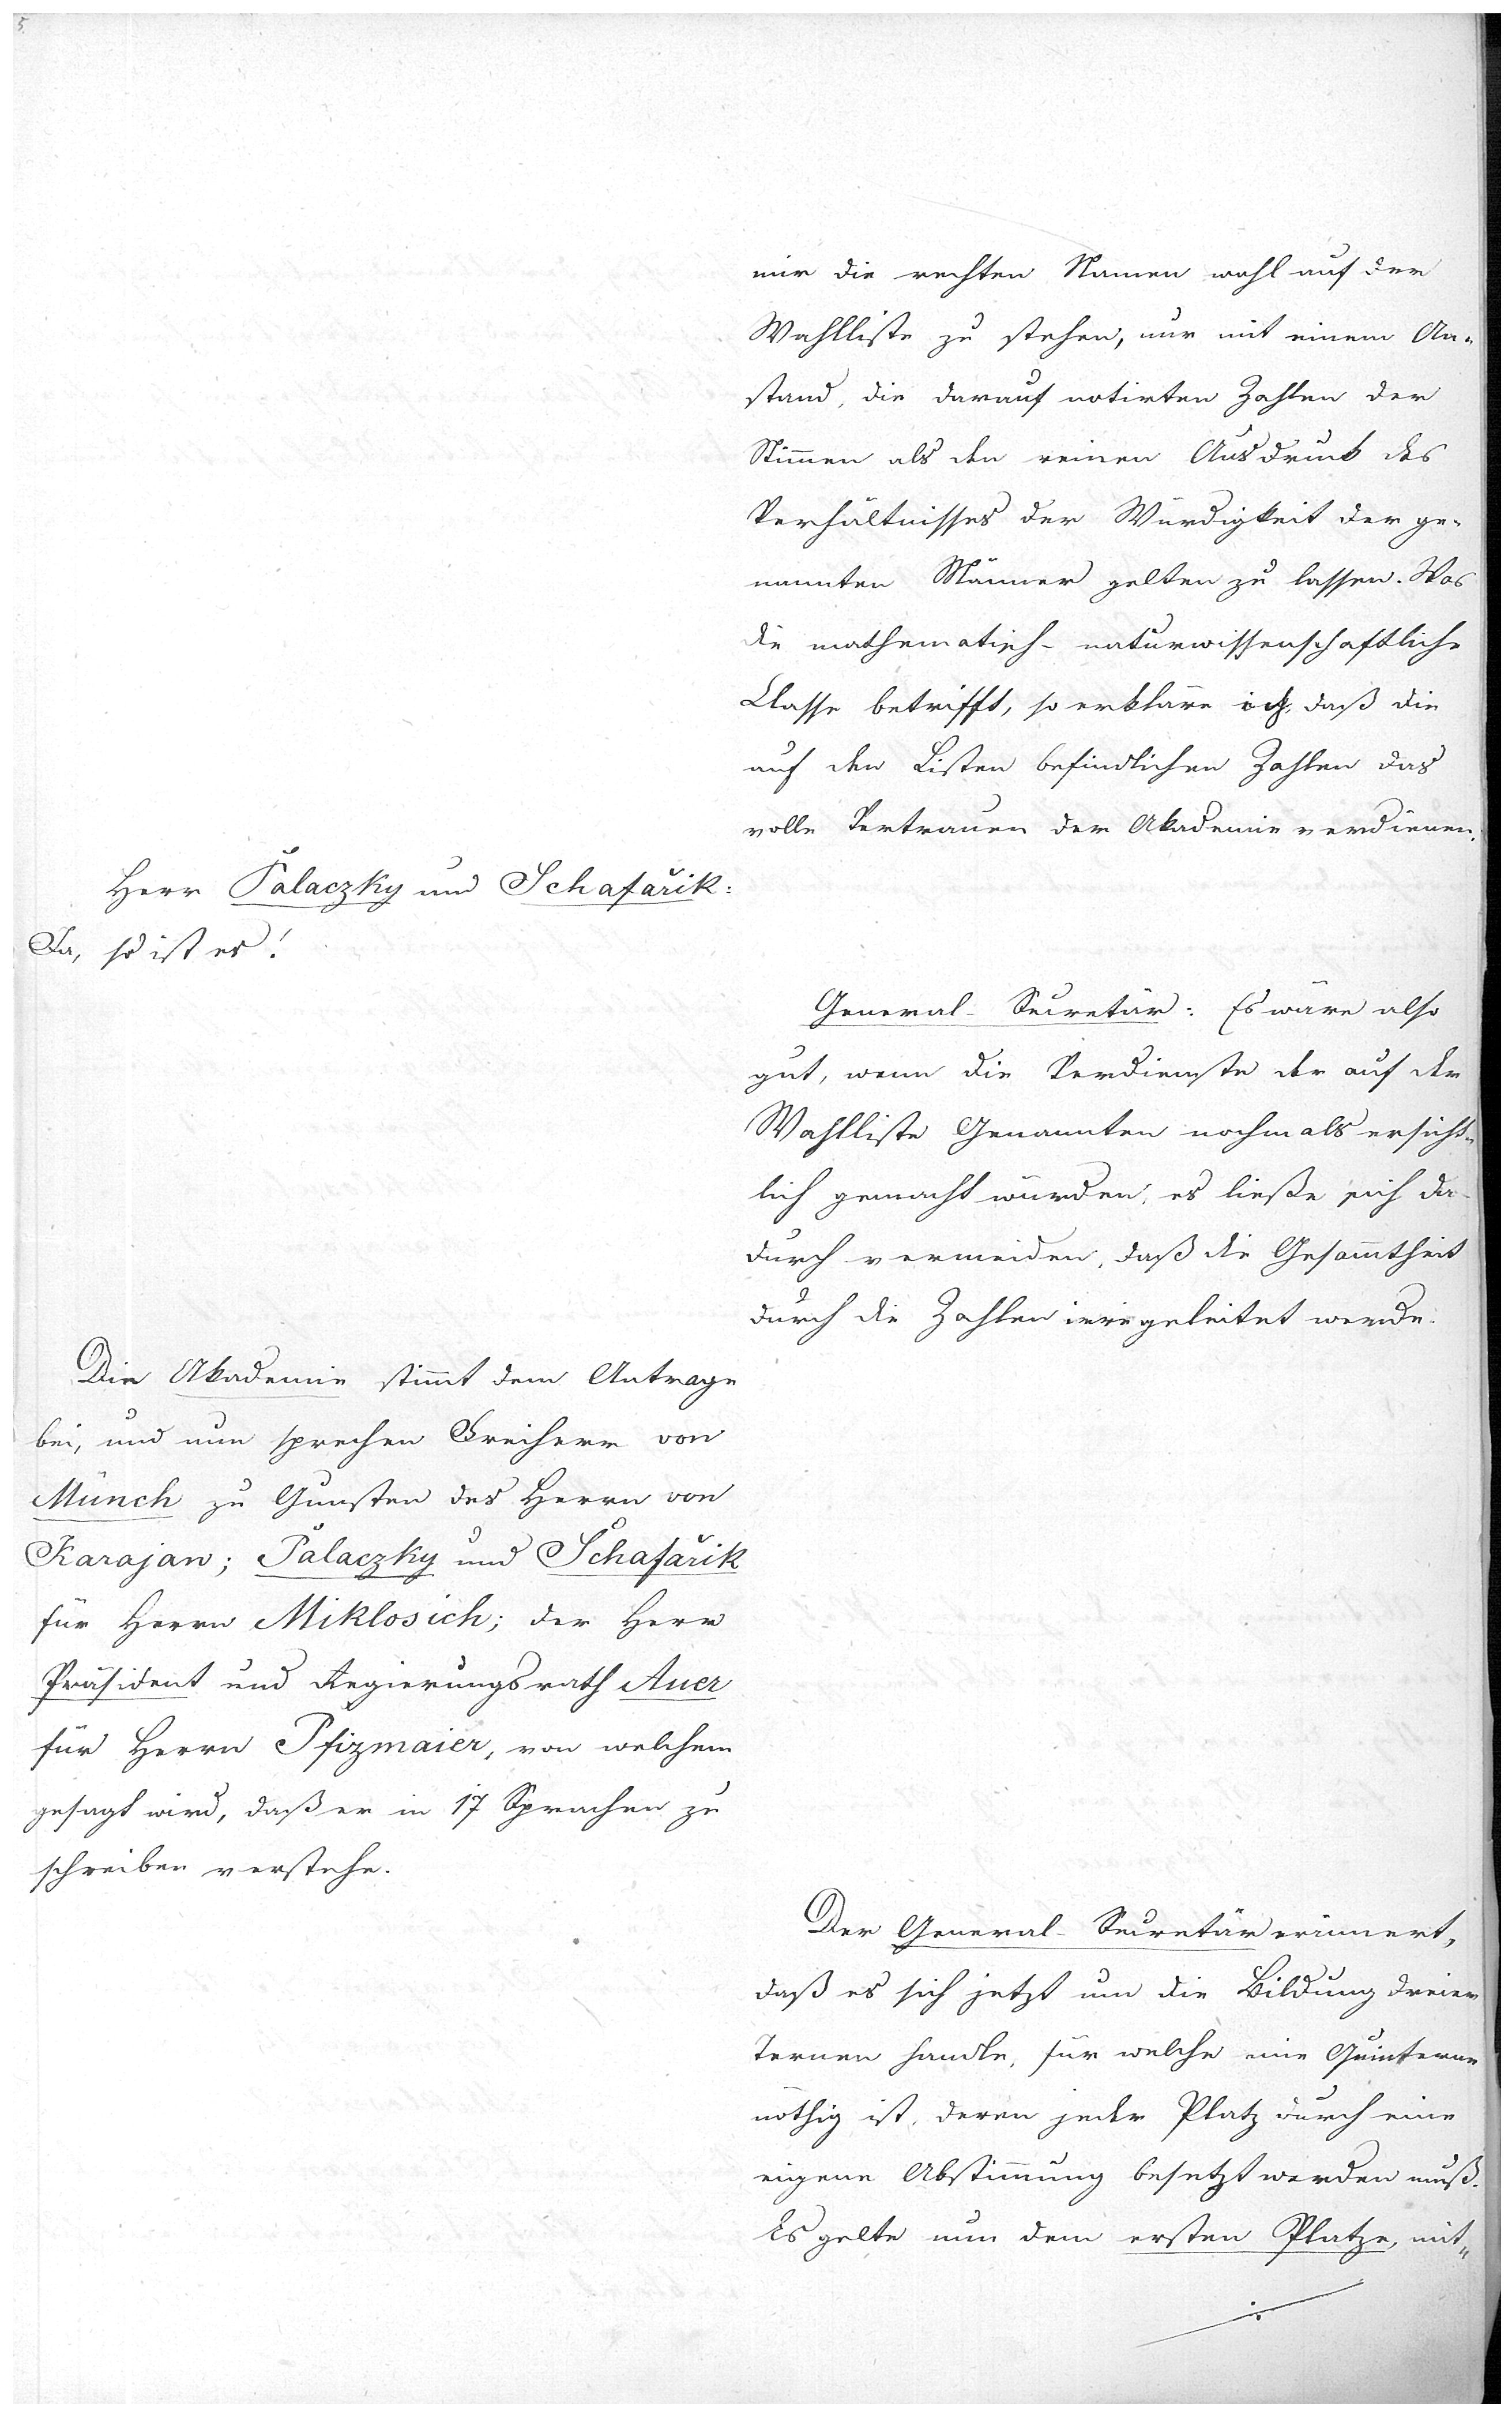mir die rechten Namen wohl auf der
Wahlliste zu stehen, nur mit einem An-
stand, die darauf notirten Zahlen der
Stimmen als den reinen Ausdruck des
Verhältnisses der Würdigkeit der ge-
nannten Männer gelten zu lassen. Was
die mathematisch-naturwissenschaftliche
Classe betrifft, so erkläre ich, daß die
auf den Listen befindlichen Zahlen das
volle Vertrauen der Akademie verdienen.
Herr Palaczky und Schafarik:
Ja, so ist es!
General-Secretär: Es wäre also
gut, wenn die Verdienste der auf der
Wahlliste Genannten nochmals ersicht-
lich gemacht würden, es ließe sich da-
durch vermeiden, daß die Gesammtheit
durch die Zahlen irrgeleitet werden.
Die Akademie stimmt dem Antrage
bei, und nun sprechen Freiherr von
Münch zu Gunsten des Herrn von
Karajan; Palaczky und Schafarik
für Herrn Miklosich; der Herr
Präsident und Regierungsrath Auer
für Herrn Pfizmaier, von welchem
gesagt wird, daß er in 17 Sprachen zu
schreiben verstehe.
Der General-Secretär erinnert,
daß es sich jetzt um die Bildung dreier
Ternen handle, für welche eine Quinterne
nöthig ist, deren jeder Platz durch eine
eigene Abstimmung besetzt werden muß.
Es gelte nur dem ersten Platze mit-